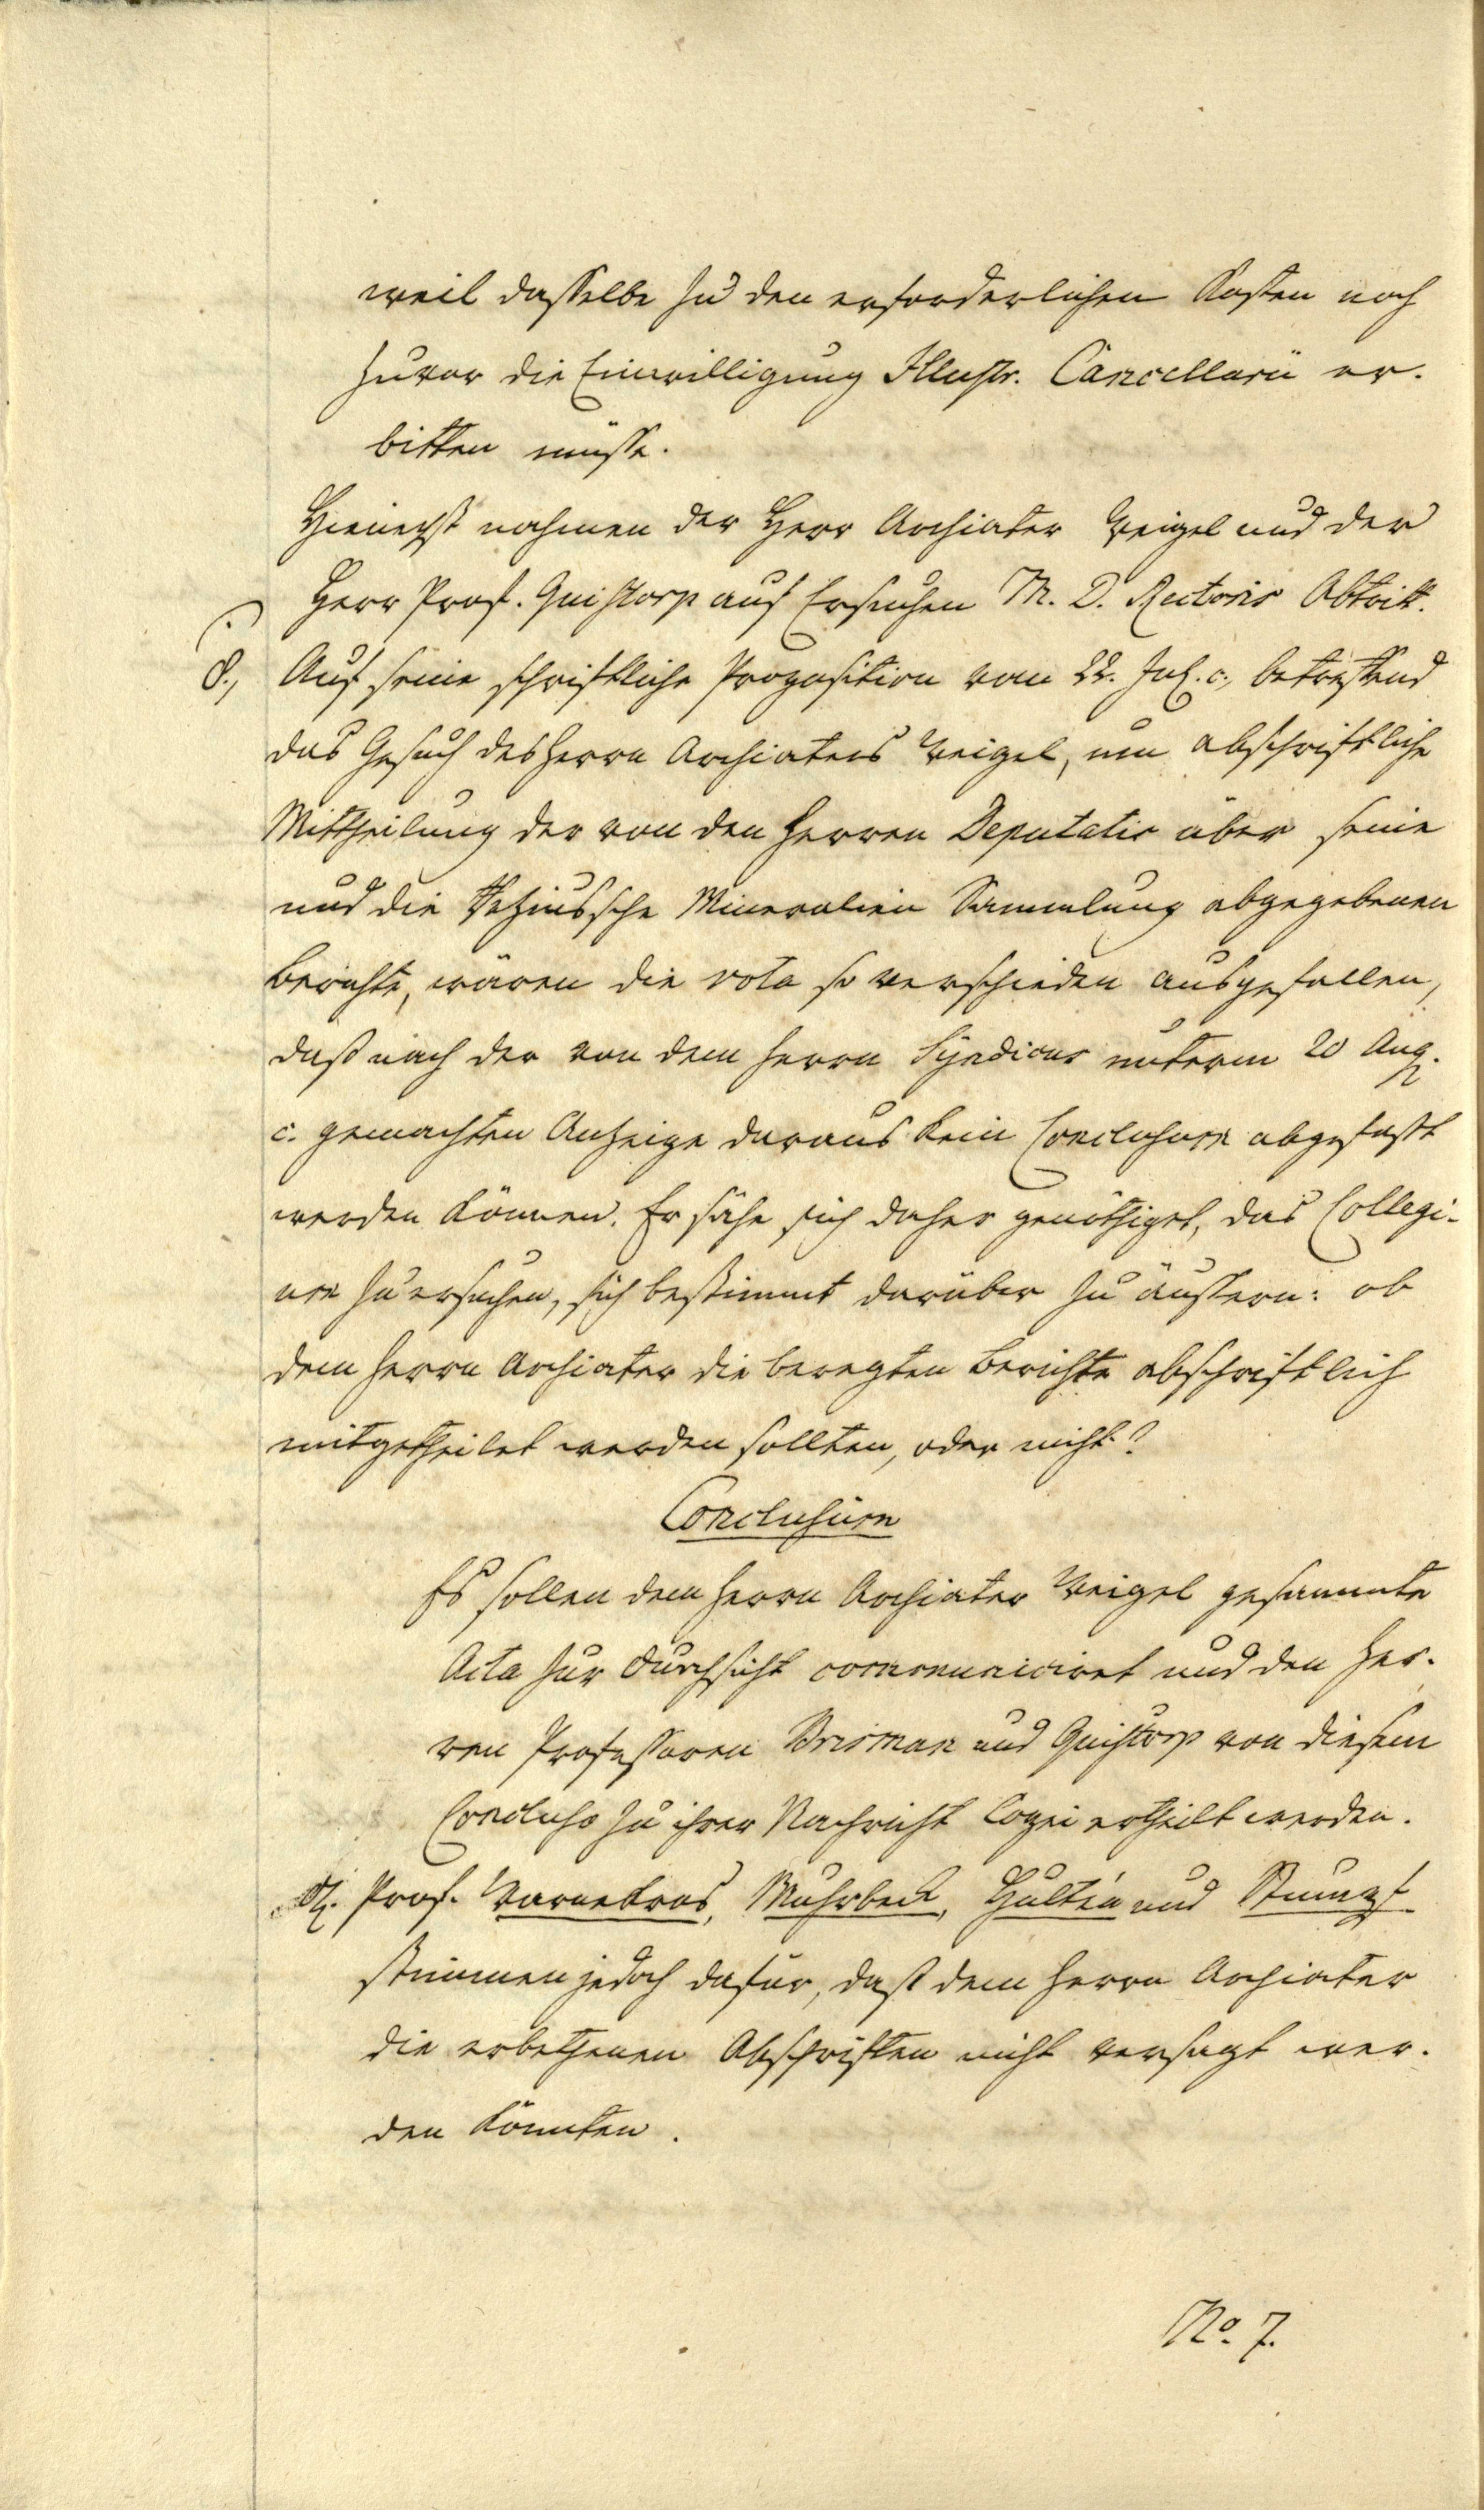weil dasselbe zu den erforderlichen Kosten noch
zuvor die Einwilligung Illustr. Cancellarii er¬
bitten müsse.
Hienechst nahmen der Herr Archiater Weigel und der
Herr Prof. Quistorp auf Ersuchen M. D. Rectoris Abtritt.
8., Auf seine schriftliche Proposition vom 22. Jul. c., betreffend
das Gesuch des Herrn Archiaters Weigel, um abschriftliche
Mittheilung der von den Herren Deputatis über seine
und die Rezinssche Mineralien Sammlung abgegebenen
Berichte, wären die vota so verschieden ausgefallen,
daß nach der von dem Herrn Sÿndicus unterm 20. Aug.
c. gemachten Anzeige daraus kein Conclusum abgefaßt
werden können. Er sähe sich daher genöthiget, das Collegi¬
um zu ersuchen, sich bestimmt darüber zu ässern: ob
dem Herrn Archiater die beregten Berichte abschriftlich
mitgetheilet werden sollten
Conclusum
Es sollen dem Herrn Archiater Weigel gesammte
Acta zur Durchsicht communiciret und den Her¬
ren Professoren Brisman und Quistorp von diesem
Concluso zu ihrer Nachricht Copei ertheilt werden.
dh. Prof. Warnekros, Muhrbeck, Hultén und Stumpf
stimmen jedoch dafür, daß dem Herrn Archiater
die erbethenen Abschriften nicht versagt wer¬
den könnten.
No 7.